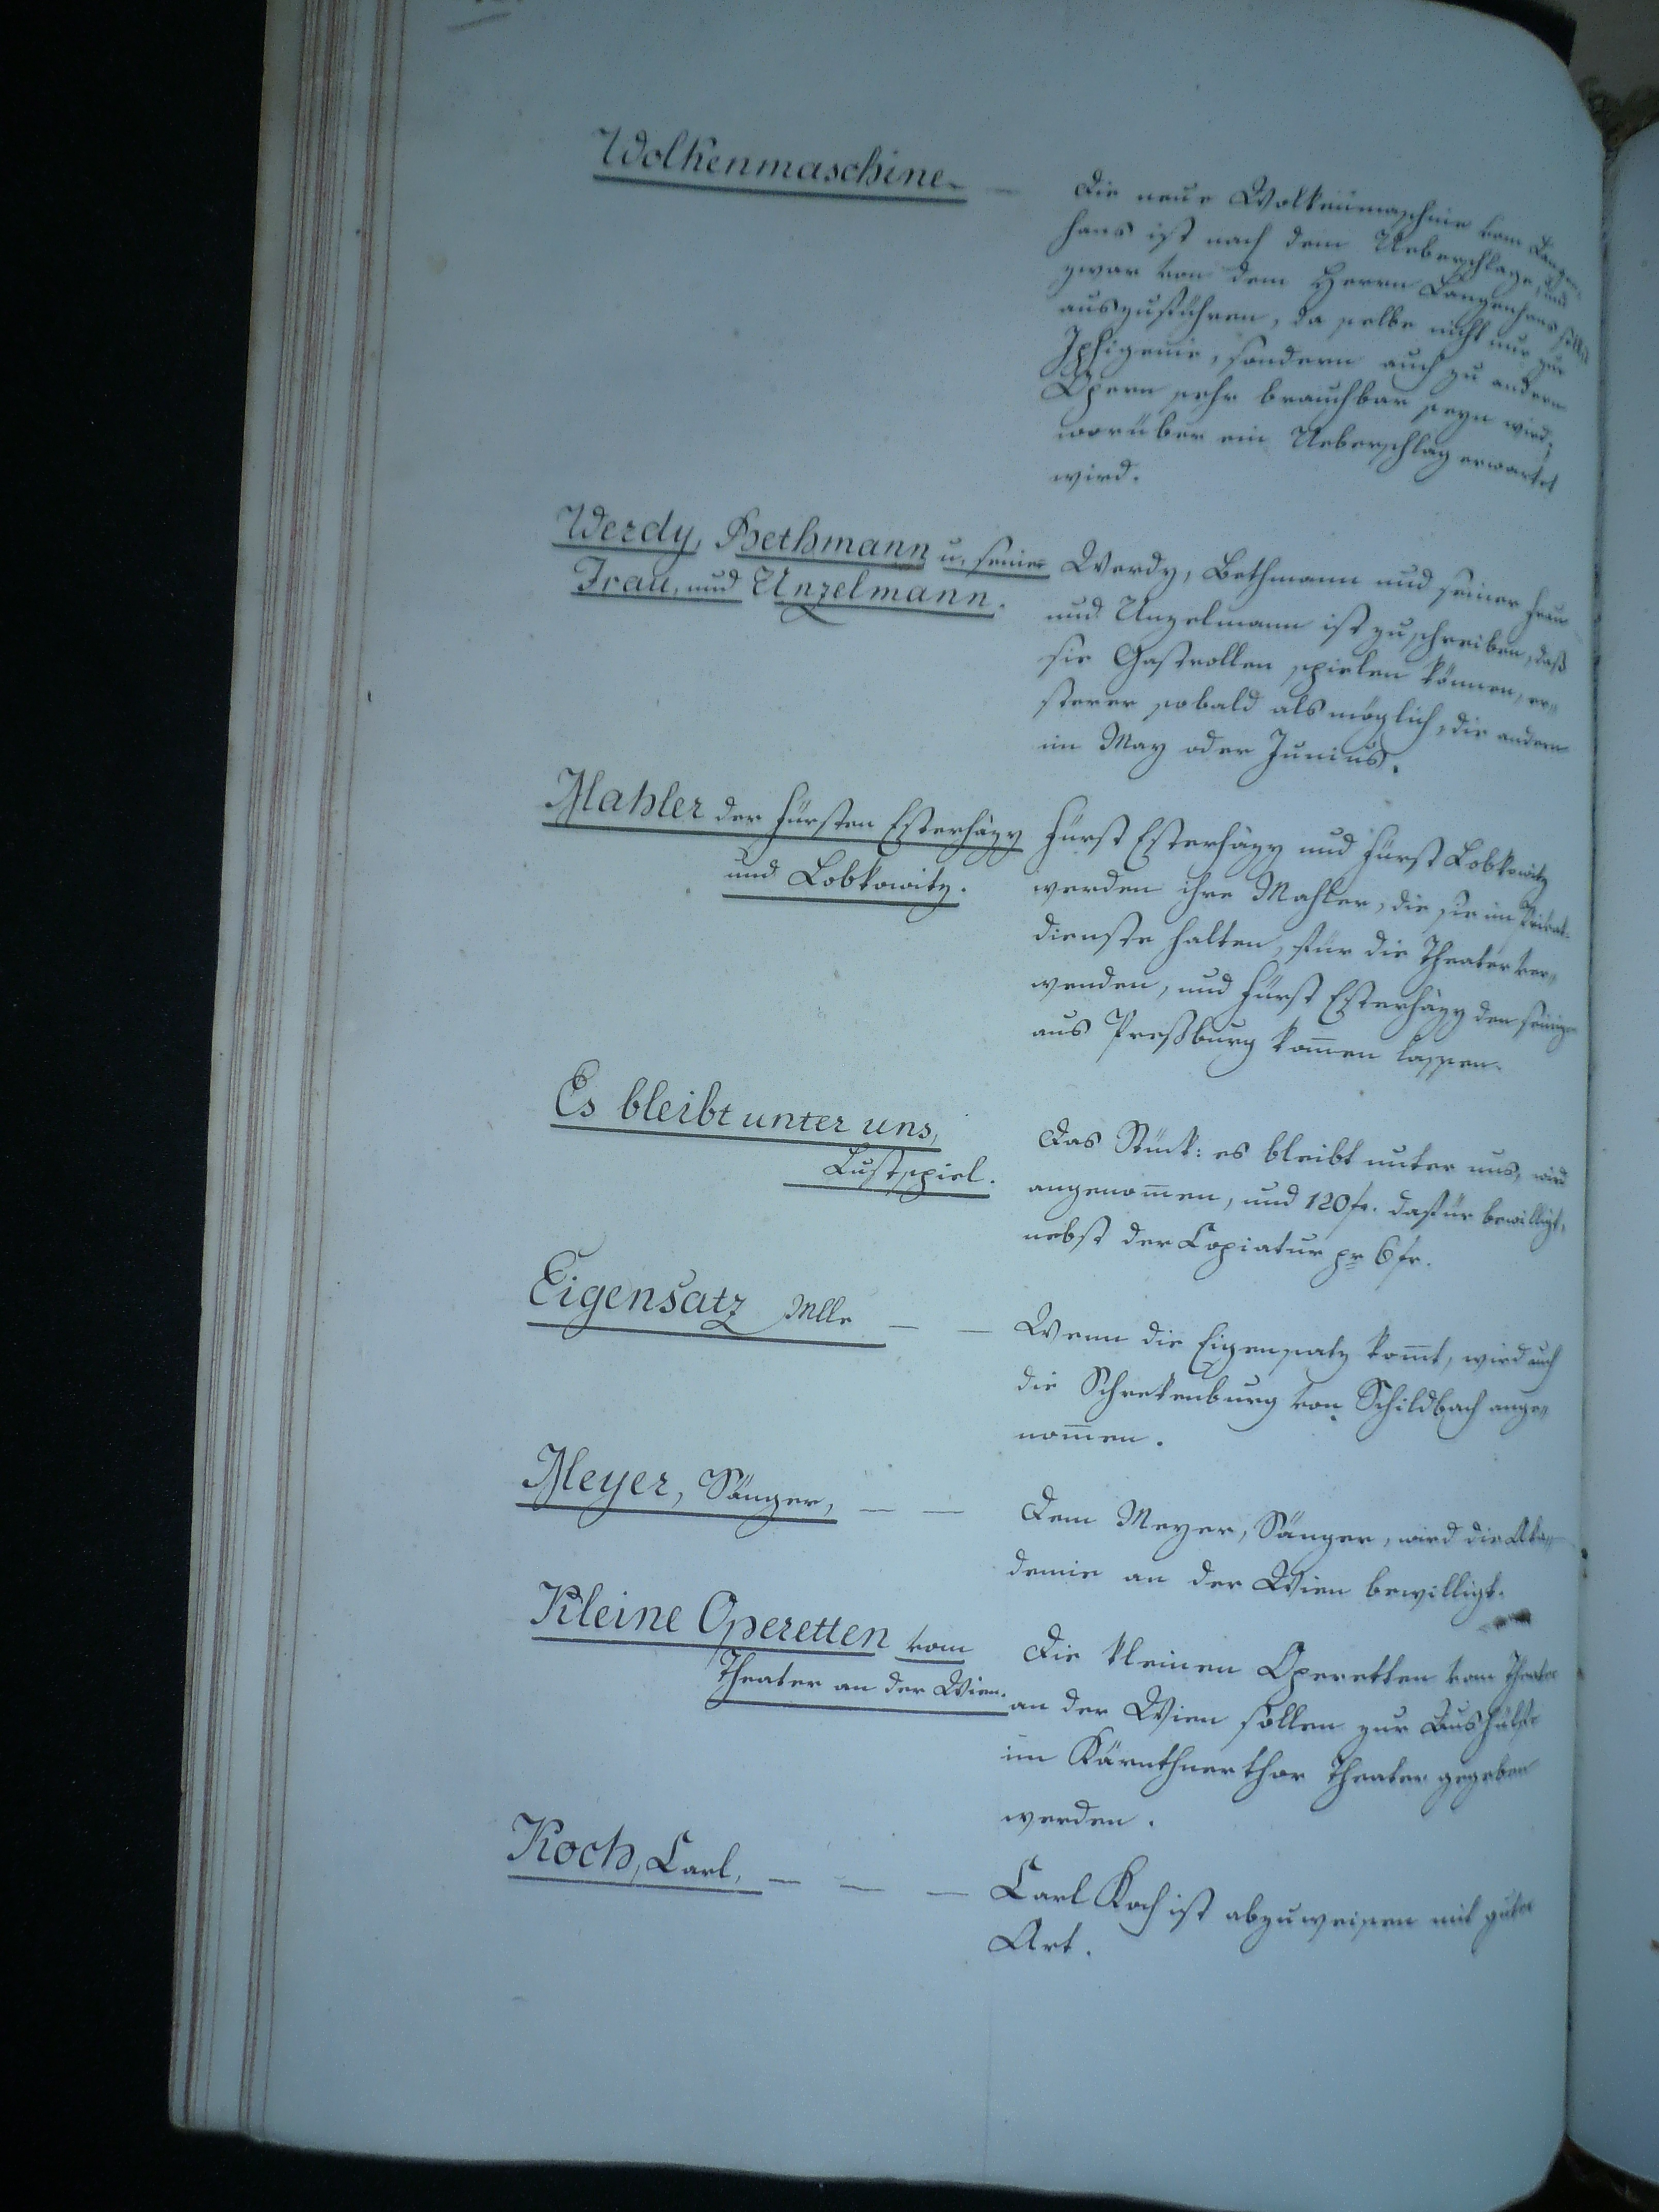Wolkenmaschine _ Die neue Wolkenmaschine von Langen¬
hans ist nach dem Ueberschlage, und
zwar von dem Herrn Langenhans Falles
auszuführen, da selbe nicht nur zur
Iphigenie, sondern auch zu andern
Opern sehr brauchbar seyn wird;
worüber ein Ueberschlag erwartet
wird.
Werdy, Bethmann u. seiner
Frau, und Unzelmann.
Werdy, Bethmann und seiner Frau
und Unzelmann ist zu schreiben, daß
sie Gastrollen spielen können, er¬
sterer sobald als möglich, die andern
im May oder Junius.
Mahler der Fürsten Esterhàzy
und Lobkowitz.
Fürst Esterhàzy und Fürst Lobkowitz
werden ihre Mahler, die sie im Privat¬
dienste halten, für die Theater ver¬
wenden, und Fürst Esterhàzy den seinigen
aus Preßburg kom̅en lassen.
Es bleibt unter uns,
Lustspiel.
Das Stück: es bleibt unter uns, wird
angenom̅en, und 120fr. dafür bewilligt,
nebst der Copiatur pr 6 fr.
Eigensatz Mlle _ _ Wenn die Eigensatz kom̅t, wird auch
die Schrekenburg von Schildbach ange¬
nom̅en.
Meyer, Sänger, _ _ Dem Meyer, Sänger, wird die Aka¬
demie an der Wien bewilligt.
Kleine Operetten vom
Theater an der Wien.
Die kleinen Operetten vom Theater
an der Wien sollen zur Aushülfe
im Kärnthnerthor Theater gegeben
werden.
Koch, Carl, _ _ _ Carl Koch ist abzuweisen mit guter
Art.